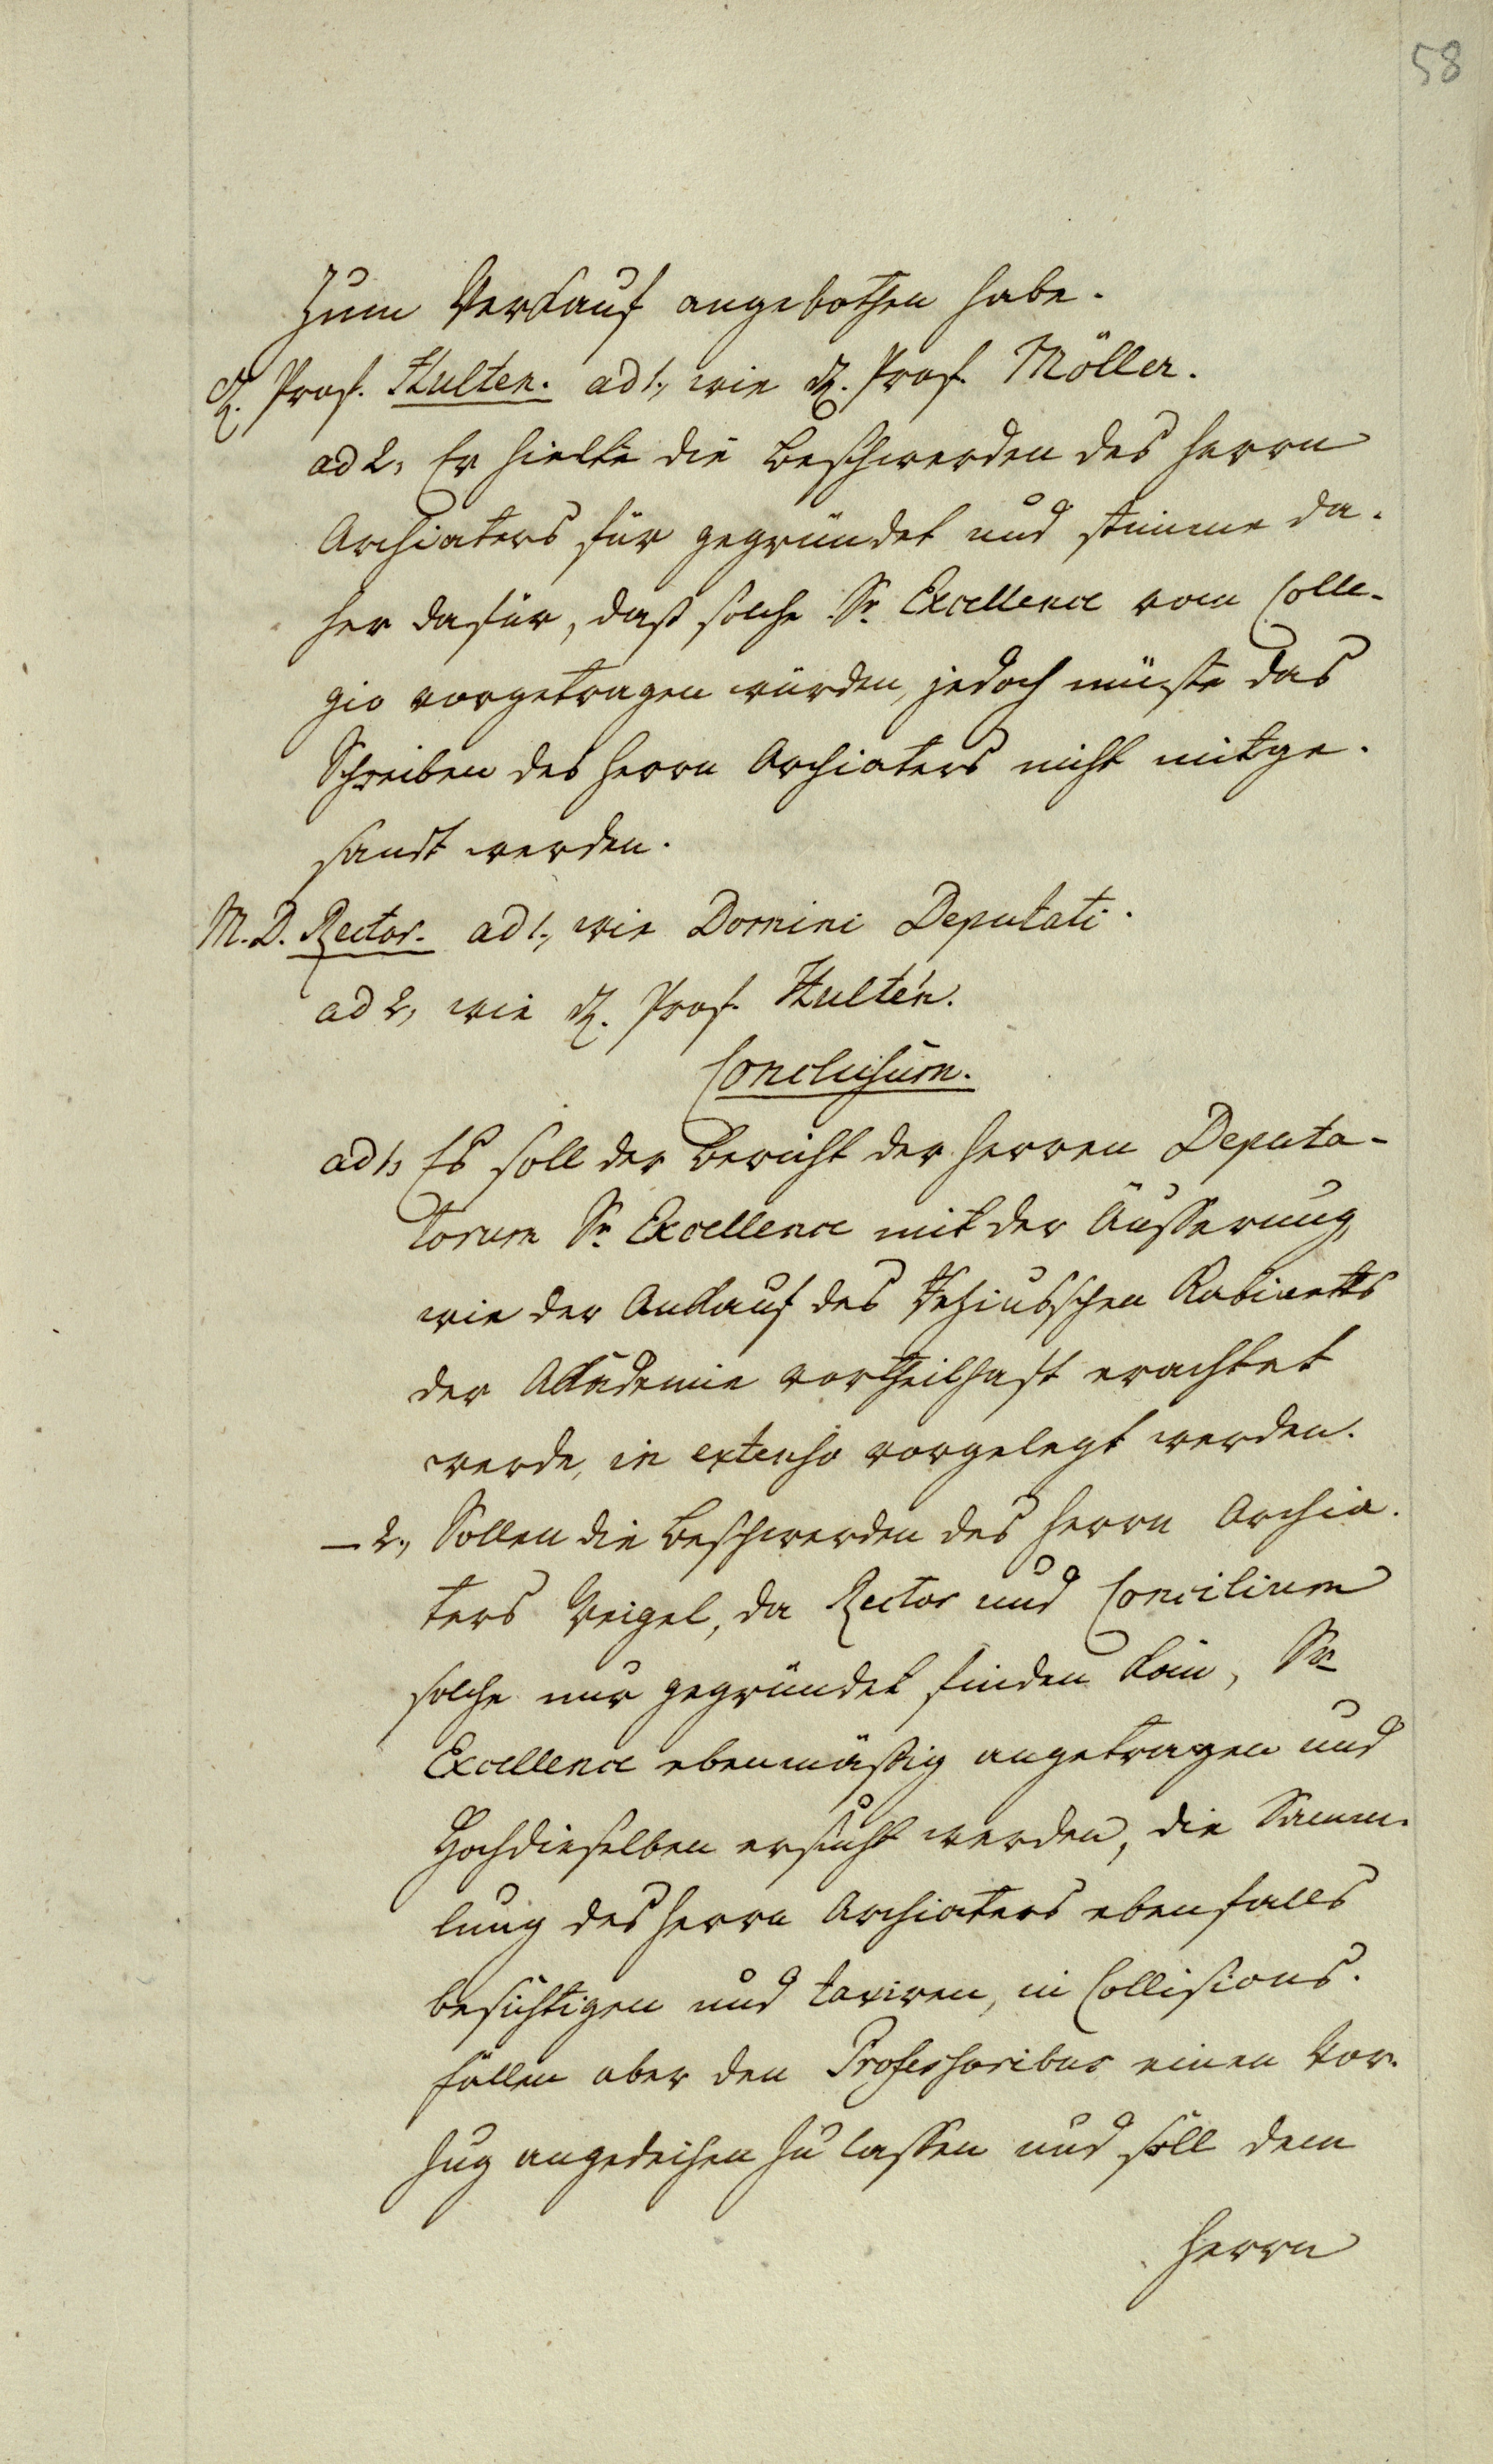zum Verkauf angebothen habe.
dh. Prof. Hulten. ad 1., wie dh. Prof. Möller.
ad 2, Er hielte die Beschwerden des Herrn
Archiaters für gegründet und stimme da¬
her dafür, daß solche Sr Excellence vom Colle¬
gio vorgetragen würden, jedoch müßte das
Schreiben des Herrn Archiaters nicht mitge¬
sandt werden.
M. D. Rector. ad 1., wie Domini Deputati.
ad 2., wie dh. Prof. Hultén.
Conclusum.
ad 1. Es soll der Bericht der Herren Deputa¬
torum Sr Excellence mit der Äusserung,
wie der Ankauf des Reziusschen Kabinetts
der Akademie vortheilhaft erachtet
werde in extenso vorgelegt werden.
2., Sollen die Beschwerden des Herrn Archia¬
ters Weigel, da Rector und Concilium
solche nur gegründet finden kan, Sr
Excellence ebenmäßig angetragen und
Hochdieselben ersucht werden, die Samm¬
lung des Herrn Archiaters ebenfalls
besichtigen und taxiren, in Collisions¬
fällen aber den Professoribus einen Vor¬
zug angedeihen zu lassen und soll dem
Herrn